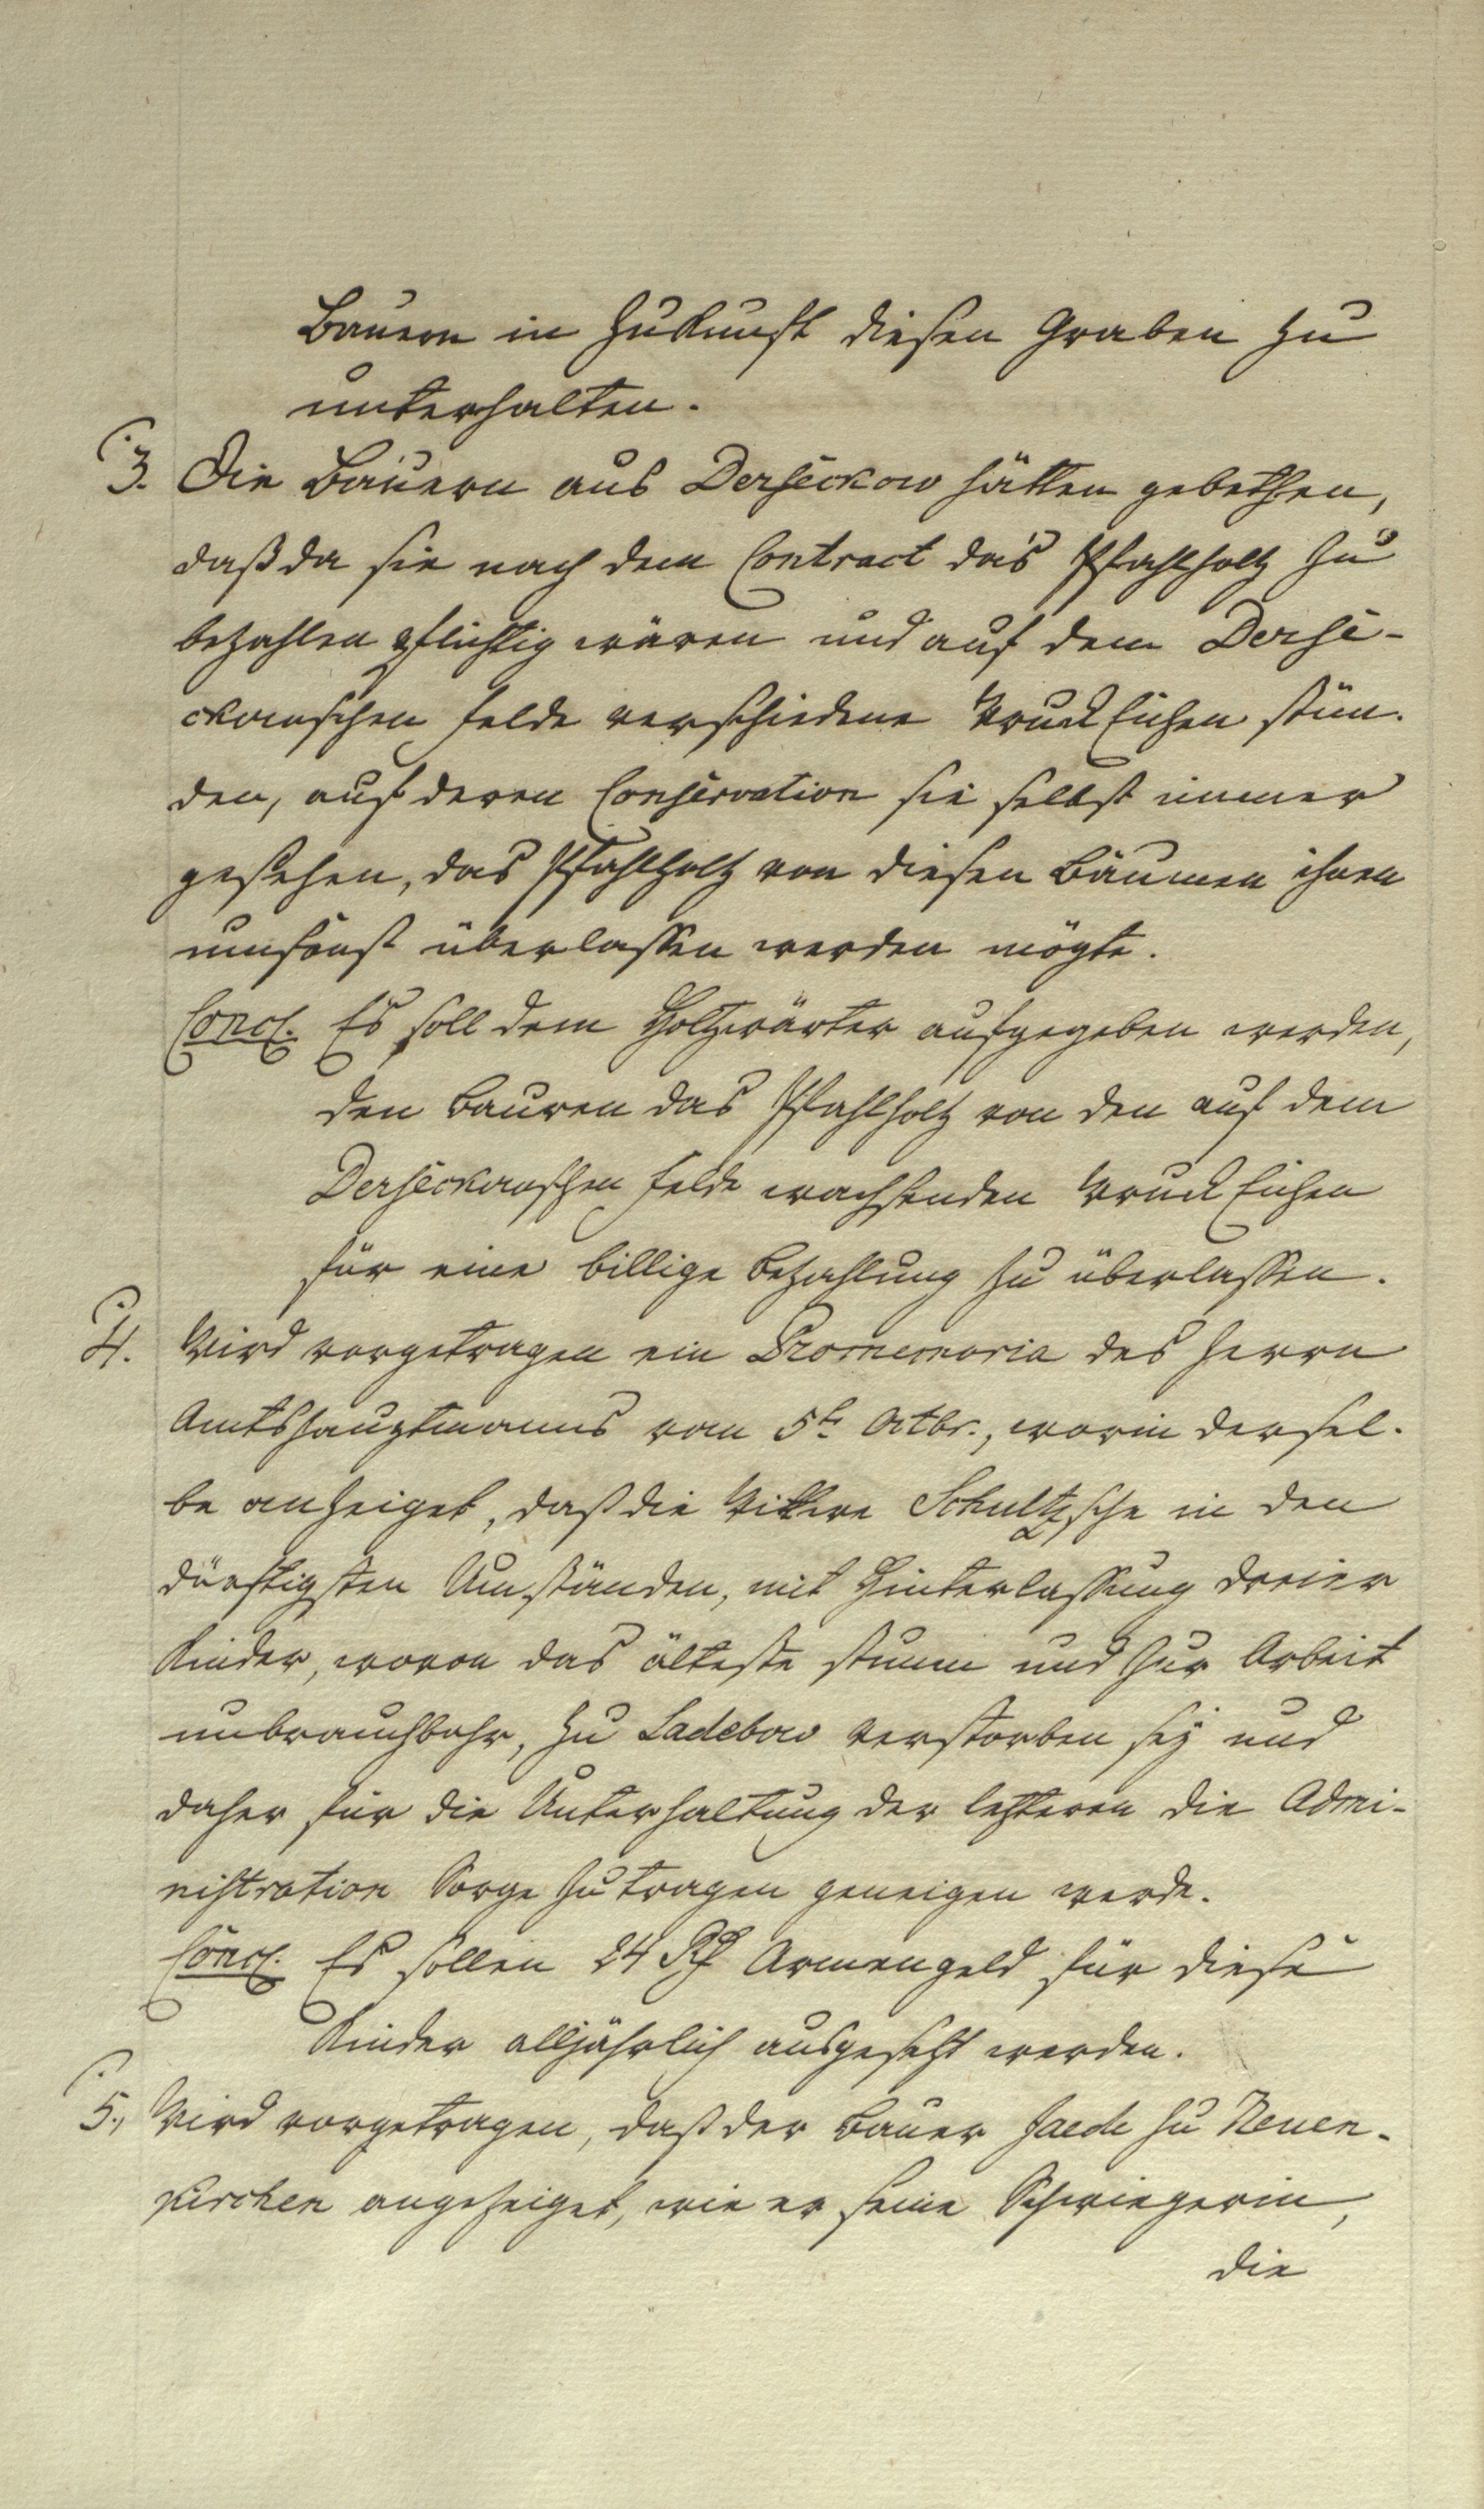Bauern in Zukunft diesen Graben zu
unterhalten.
3. Die Bauern aus Derseckow hätten gebethen,
daß da sie nach dem Contract das Pfahlholz zu
bezahlen pflichtig wären und auf dem Derse¬
ckowschen Felde verschiedene Wruck Eichen stün-
den, auf deren Conservation sie selbst immer
gesehen, das Pfahlholz von diesen Bäumen ihnen
umsonst überlassen werden mögte.
Concl. Es soll dem Holzwärter aufgegeben werden,
den Bauren das Pfahlholz von den auf dem
Derseckowschen Felde wachsenden WruckEichen
er eine billige Bezahlung zu überlassen.
4. Wird vorgetragen ein Promemoria des Herrn
Amtshauptmanns vom 5 t Octbr., worin dersel¬
be anzeiget, daß die Wittwe Schultzsche in den
dürftigsten Umständen, mit Hinterlassung dreier
Kinder, wovon das älteste stumm und zur Arbeit
unbrauchbahr, zu Ladebow verstorben seÿ und
daher für die Unterhaltung der letzteren die Admi¬
nistration Sorge zu tragen geneigen werde.
Concl. Es sollen 24 Rf Armengeld für diese
Kinder alljährlich ausgesetzt werden.
5., Wird vorgetragen, daß der Bauer Jaede zu Neuen¬
Kirchen angezeiget, wie er seine Schwiegerin,
die